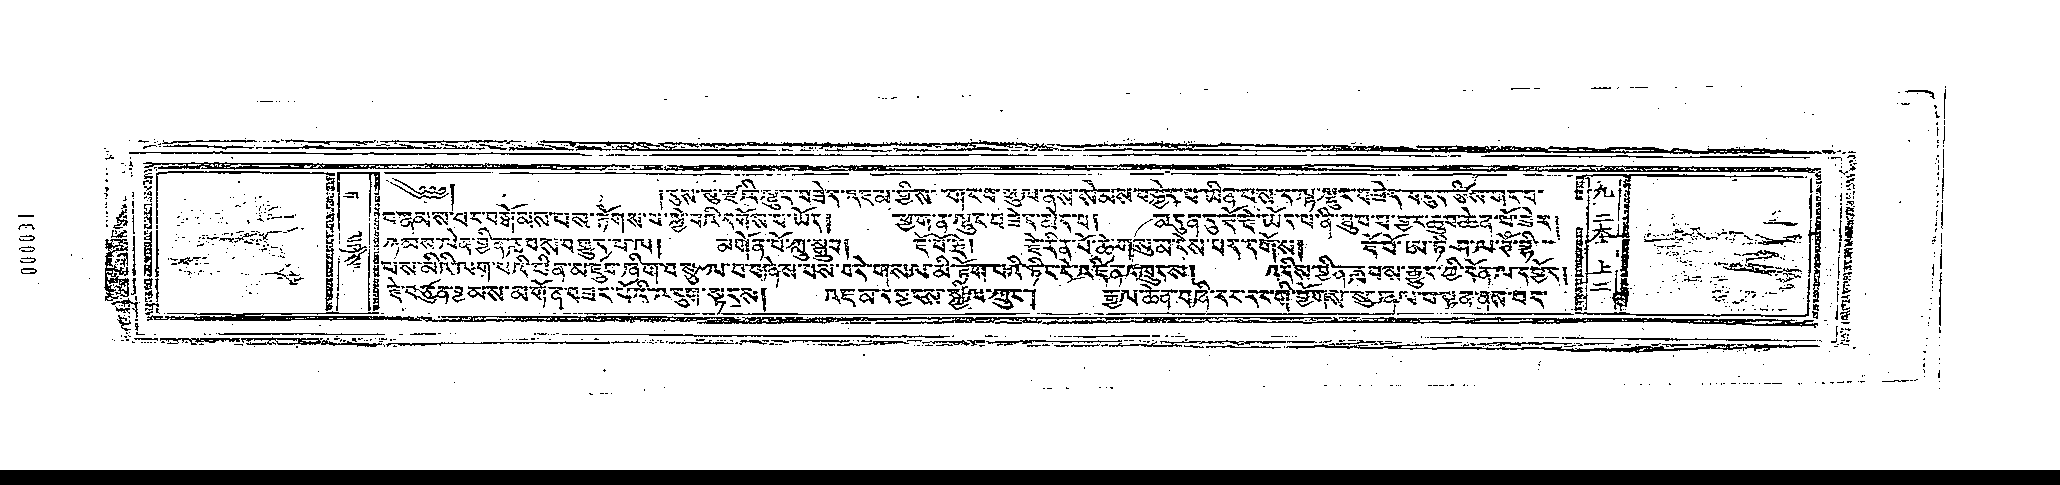༄༅༅། །དུས་སུ་རྫའི་སྟུང་བཟིར་འཇམ་གྱིས་གང་བ་ཕུལ་ནས་སེམས་བསྐྱེད་པ་ཡིན་པས་ད་ལྟ་ལྷུང་བཟེད་བདུད་རྩིས་གང་བ་
བསྣམས་པར་བསྐོམ་པས་རྟོགས་པ་སྐྱེ་བའི་དགོས་པ་ཡོད། ཕྱག་ན་ལྷུང་བཟེད་མེད་པ། མདུན་དུ་རྡོ་རྗེ་ཡོད་པ་ནི་ཐུབ་པ་བྱང་ཆུབ་ཆེན་པོ་ཟེར་
ཉམས་ལེན་བྱིན་རླབས་བགྱུར་བ་ལ། མགོན་པོ་ཀླུ་སྒྲུབ། ཇོ་བོ་རྗེ། རྗེ་རིན་པོ་ཆེ་གསུམ་ངེས་པར་དགོས། ཇོ་བོ་ཨ་ཏི་ཤ་ལ་ཊོཾ་བྷི་
བས་མིའི་ལག་པའི་པིན་མཛུབ་ཞིག་བསྩལ་བ་བཞེས་པས་བདེ་གསལ་མི་རྟོག་པའི་ཏིང་ངེ་འཛིན་འཁྲུངས། འདིས་བྱིན་རླབས་རྒྱུད་ཀྱི་དོན་ལ་དབྱོད།
རྗེ་བཙུན་བྱམས་མགོན་བཟང་པོའི་འདུག་སྟངས། འཇམ་དབྱངས་སྐྱིལ་ཀྲུང་། རྒྱལ་ཆེན་བཞི་རང་རང་གི་ཕྱོགས་སུ་ཞས་བསྟེན་ནས་བར་